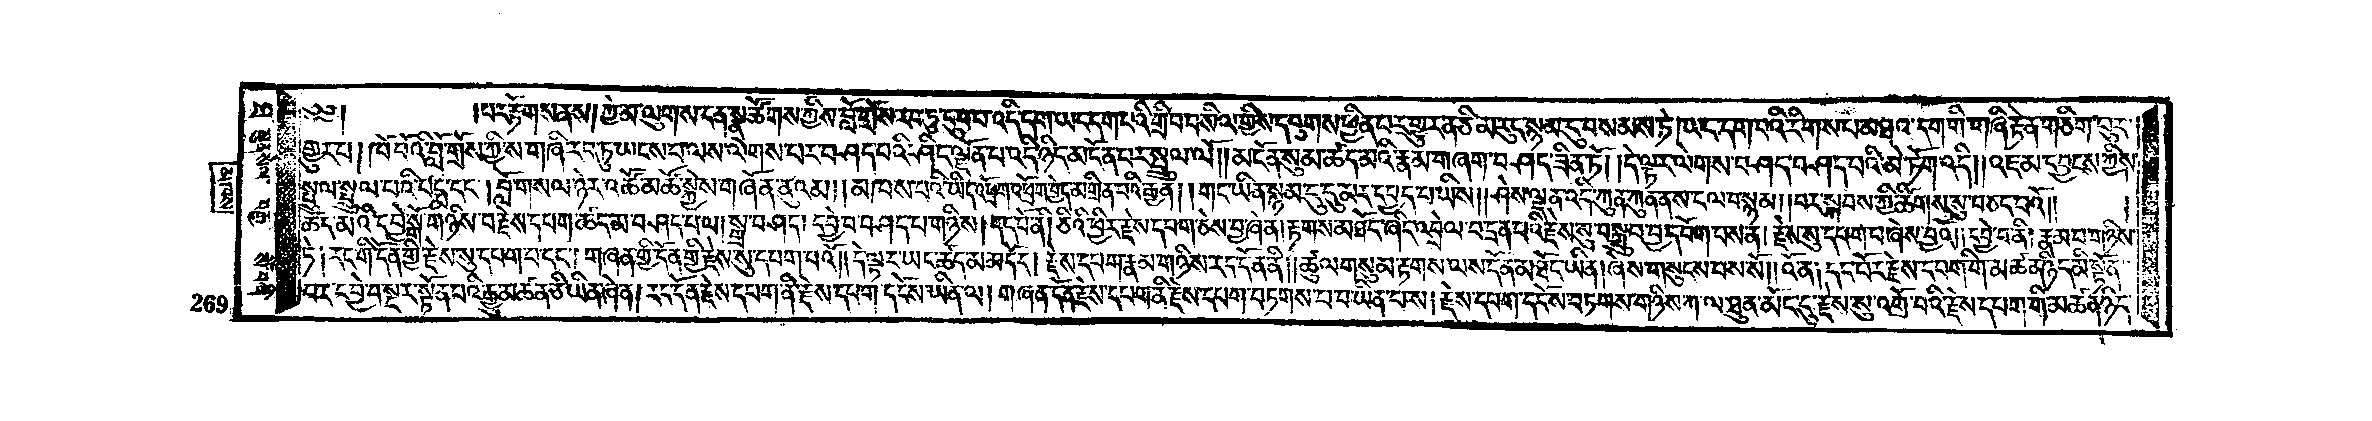༄༅། །པར་རྟོགས་ནས། ཀྱེ་མ་ལུགས་ངན་སྣ་ཚོགས་ཀྱིས་བློ་གྲོས་རབ་ཏུ་དུ་བ་པ་འདི་དག་ཡང་དག་བའི་གྲིབ་བསིལ་གྱིས་དབུགས་ཕྱིན་པར་གྱུར་ན་ཅི་མ་རུང་སྙམ་དུ་བསམས་ཏེ། ཡང་དག་པའི་རིགས་པ་མཐའ་དག་གི་གཞི་རྟེན་གཅིག་པུར་
གྱུར་པ། ཁོ་བོའི་བློ་གྲོས་ཀྱི་ས་གཞི་རབ་ཏུ་ཡངས་པ་ལས་ལེགས་པར་བཤད་པའི་ཤིང་ལྗོན་པ་འདི་ཉིད་མངོན་པར་སྤྲུལ་ལོ། །མངོན་སུམ་ཚད་མའི་རྣམ་གཞག་བཤད་ཟིན་ཏོ། །དེ་ལྟར་ལེགས་བཤད་བཤད་པའི་མེ་ཏོག་འདི། །འཇམ་དབྱངས་ཀྱིས་
སྤྲུལ་སྤྲུལ་པའི་པདམ་དང་། བློ་གསལ་ཉེར་འཚོ་མཚོ་སྐྱེས་གཞོན་ནུའམ། །མཁས་པའི་ཡིད་འཕྲོག་འཕྲོག་བྱེད་མགྲིན་པའི་རྒྱན། །གང་ཡིན་སྙམ་དུ་དུ་མར་དཔྱད་པ་ཡིས། །ཤེས་ལྡན་འདི་ཀུན་ཀུན་ནས་ངལ་བ་སྙམ། །བར་སྐབས་ཀྱི་ཚིགས་སུ་བཅད་པའོ།། །།
ཚད་མའི་དབྱེ་སྒོ་གཉིས་པ་རྗེས་དཔག་ཚད་མ་བཤད་པ་ལ། སྒྲ་བཤད། དབྱེ་བ་བཤད་པ་གཉིས། དང་པོ་ནི། ཅིའི་ཕྱིར་རྗེས་དཔག་ཅེས་བྱ་ཞེ་ན། རྟགས་མཐོང་ཞིང་འབྲེལ་པ་དྲན་པའི་རྗེས་སུ་བསྒྲུབ་བྱ་དཔོག་པས་ན། རྗེས་སུ་དཔག་པ་ཞེས་བྱའོ། །དབྱེ་བ་ནི། རྣམ་པ་གཉིས་
ཏེ། རང་གི་དོན་གྱི་རྗེས་སུ་དཔག་པ་དང་། གཞན་གྱི་དོན་གྱི་རྗེས་སུ་དཔག་པའོ། །དེ་ལྟར་ཡང་ཚད་མ་མདོར། རྗེས་དཔག་རྣམ་གཉིས་རང་དོན་ནི། །ཚུལ་གསུམ་རྟགས་ལས་དོན་མཐོང་ཡིན། ཞེས་གསུངས་པས་སོ། །འོ་ན། དང་པོར་རྗེས་དཔག་གི་མཚན་ཉིད་མི་སྟོན་
པར་དབྱེ་བ་སྔར་སྟོན་པའི་རྒྱུ་མཚན་ཅི་ཡིན་ཞེ་ན། རང་དོན་རྗེས་དཔག་ནི་རྗེས་དཔག་དངོས་ཡིན་ལ། གཞན་དོན་རྗེས་དཔག་ནི་རྗེས་དཔག་བཏགས་པ་བ་ཡིན་པས། རྗེས་དཔག་དངོས་བཏགས་གཉིས་ཀ་ལ་ཐུན་མོང་དུ་རྗེས་སུ་འགྲོ་བའི་རྗེས་དཔག་གི་མཚན་ཉིད་